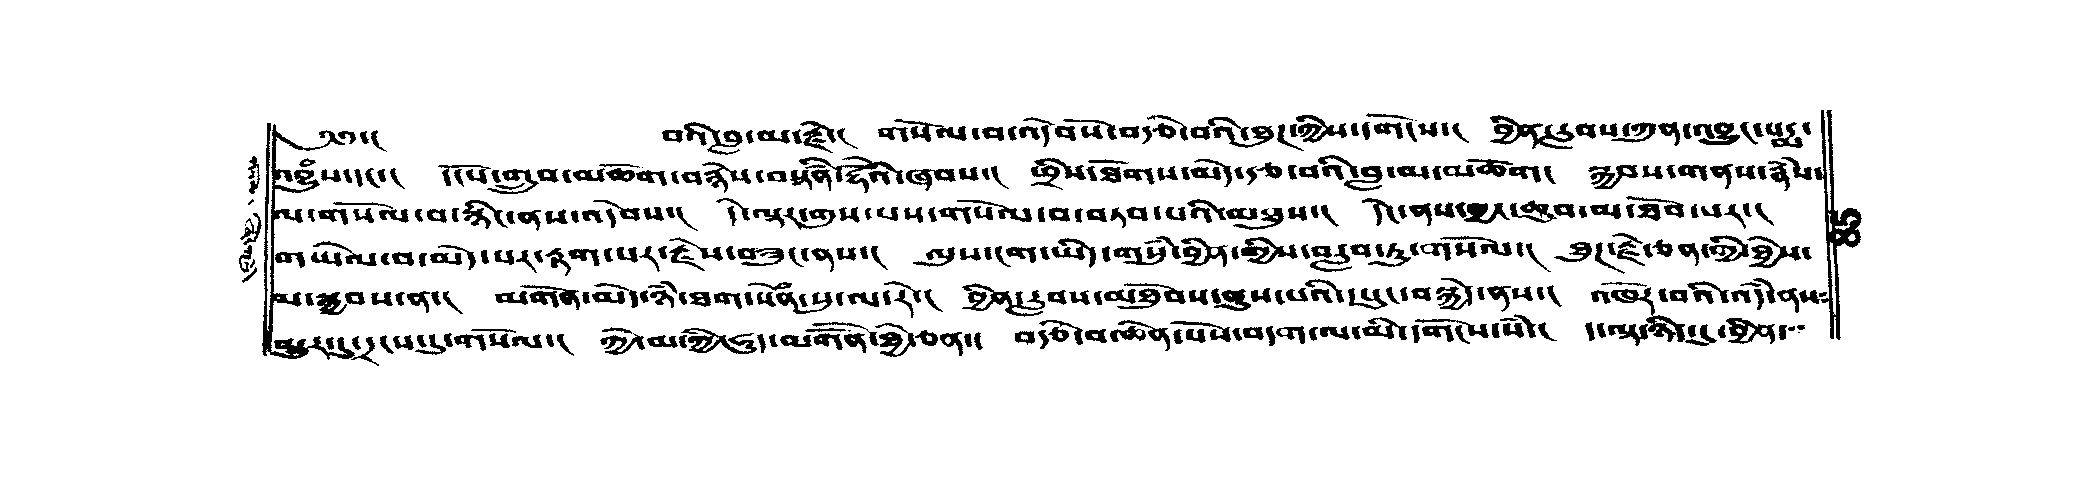བའི་བླ་མ་རྗེ། །གསོལ་བ་འདེབས་སོ་བརྩེ་བའི་ཐུགས་ཀྱིས་དགོངས། །བྱིན་རླབས་ཀུན་འབྱུང་པདྨ་
འབྱུང་གནས་དང་། །དངོས་གྲུབ་མཆོག་བརྙེས་བསྟན་འཛིན་རྡོ་རྗེའི་ཞབས། །ཕྲིན་ལས་ཐོགས་མེད་རྩ་བའི་བླ་མ་མཆོག །སྐྱབས་གནས་རྣམས་
ལ་གསོལ་བ་སྙིང་ནས་འདེབས། །དེ་ལྟར་གུས་པས་གསོལ་བ་བཏབ་པའི་མཐུས། །དེང་ནས་བྱང་ཆུབ་སྙིང་པོ་མ་ཐོབ་པར། །
གཡེལ་བ་མེད་པར་རྟག་པར་རྗེས་བཟུང་ནས། །ལུས་ངག་ཡིད་གསུམ་བྱིན་གྱིས་བརླབ་ཏུ་གསོལ། །ཐུགས་རྗེ་ཅན་གྱི་ཐུགས་རྗེས་
མ་སྐྱབས་ན། མགོན་མེད་ཉམ་ཐག་སེམས་ཅན་སུ་ལ་རེ། །བྱིན་རླབས་མཐུ་སྟོབས་ནུས་པའི་དཔུང་བསྐྱེད་ནས། །འཁོར་བའི་འདམ་ནས་
མྱུར་དུ་དྲང་དུ་གསོལ། །ཀྱེ་མ་ཀྱི་ཧུད་མགོན་པོ་ཐུགས་རྗེ་ཅན། །བརྩེ་བ་ཆེན་པོས་བདག་ལ་མི་དགོས་སམ། །ད་ལྟ་ཉིད་དུ་བྱིན་